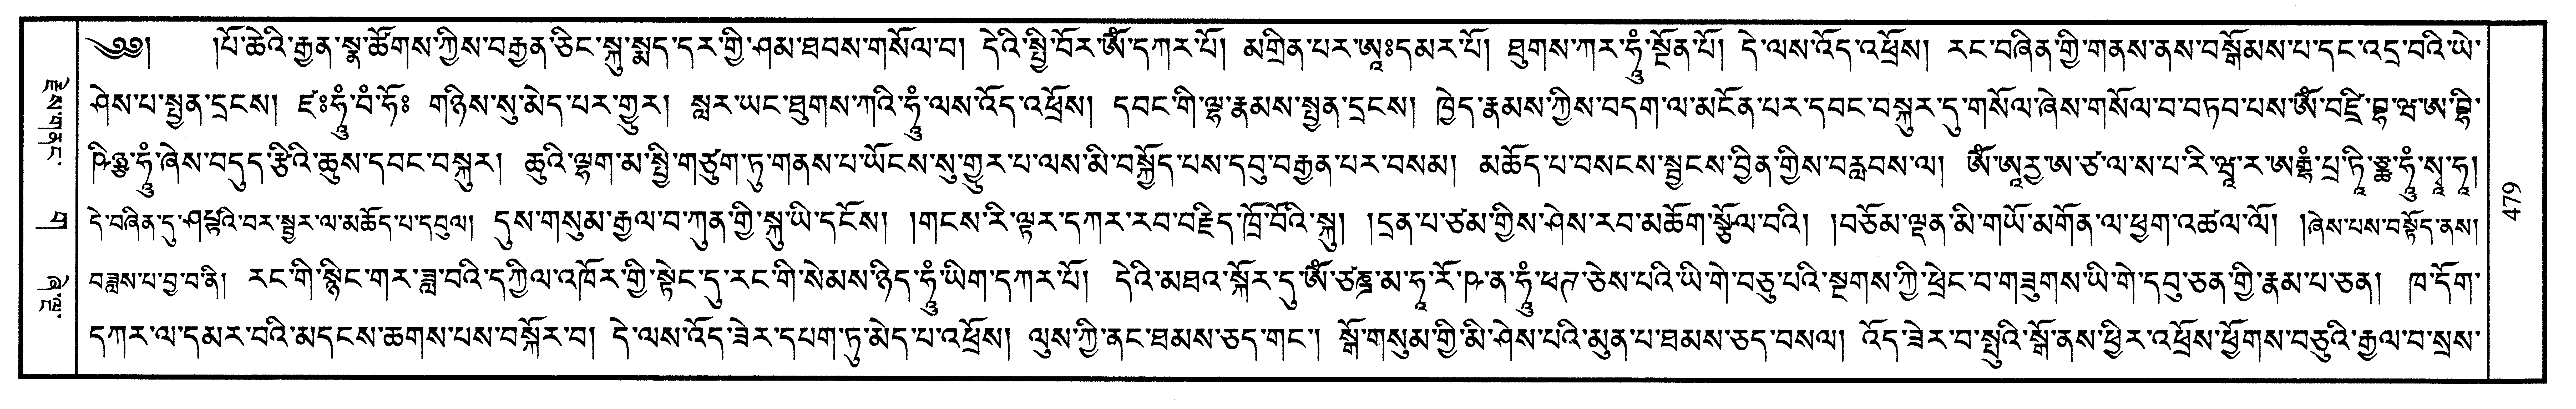༄༅། །པོ་ཆེའི་རྒྱན་སྣ་ཚོགས་ཀྱིས་བརྒྱན་ཅིང་སྐུ་སྨད་དར་གྱི་ཤམ་ཐབས་གསོལ་བ། དེའི་སྤྱི་བོར་ཨོཾ་དཀར་པོ། མགྲིན་པར་ཨཱཿ དམར་པོ། ཐུགས་ཀར་ཧཱུཾ་སྔོན་པོ། དེ་ལས་འོད་འཕྲོས། རང་བཞིན་གྱི་གནས་ནས་བསྒོམས་པ་དང་འདྲ་བའི་ཡེ་
ཤེས་པ་སྤྱན་དྲངས། ཛཿ ཧཱུཾ་བཾ་ཧོཿ གཉིས་སུ་མེད་པར་གྱུར། སླར་ཡང་ཐུགས་ཀའི་ཧཱུཾ་ལས་འོད་འཕྲོས། དབང་གི་ལྷ་རྣམས་སྤྱན་དྲངས། ཁྱེད་རྣམས་ཀྱིས་བདག་ལ་མངོན་པར་དབང་བསྐུར་དུ་གསོལ་ཞེས་གསོལ་བ་བཏབ་པས་ཨོཾ་བཛྲི་བྷ་ཝ་ཨ་བྷི་
ཥིཉྩ་ཧཱུཾ་ཞེས་བདུད་རྩིའི་ཆུས་དབང་བསྐུར། ཆུའི་ལྷག་མ་སྤྱི་གཙུག་ཏུ་གནས་པ་ཡོངས་སུ་གྱུར་པ་ལས་མི་བསྐྱོད་པས་དབུ་བརྒྱན་པར་བསམ། མཆོད་པ་བསངས་སྦྱངས་བྱིན་གྱིས་བརླབས་ལ། ཨོཾ་ཨཱརྱ་ཨ་ཙ་ལ་ས་པ་རི་ཝཱ་ར་ཨརྒྷཾ་པྲ་ཏཱི་ཙྪ་ཧཱུཾ་སྭཱ་ཧཱ།
དེ་བཞིན་དུ་ཤཔྟའི་བར་སྦྱར་ལ་མཆོད་པ་དབུལ། དུས་གསུམ་རྒྱལ་བ་ཀུན་གྱི་སྐུ་ཡི་དངོས། །གངས་རི་ལྟར་དཀར་རབ་བརྗིད་ཁྲོ་བོའི་སྐུ། །དྲན་པ་ཙམ་གྱིས་ཤེས་རབ་མཆོག་སྩོལ་བའི། །བཅོམ་ལྡན་མི་གཡོ་མགོན་ལ་ཕྱག་འཚལ་ལོ། །ཞེས་པས་བསྟོད་ནས།
བཟླས་པ་བྱ་བ་ནི། རང་གི་སྙིང་གར་ཟླ་བའི་དཀྱིལ་འཁོར་གྱི་སྟེང་དུ་རང་གི་སེམས་ཉིད་ཧཱུཾ་ཡིག་དཀར་པོ། དེའི་མཐའ་སྐོར་དུ་ཨོཾ་ཙཎྜ་མ་ཧཱ་རོ་ཥ་ན་ཧཱུཾ་ཕཊ་ཅེས་པའི་ཡི་གེ་བཅུ་པའི་སྔགས་ཀྱི་ཕྲེང་བ་གཟུགས་ཡི་གེ་དབུ་ཅན་གྱི་རྣམ་པ་ཅན། ཁ་དོག་
དཀར་ལ་དམར་བའི་མདངས་ཆགས་པས་བསྐོར་བ། དེ་ལས་འོད་ཟེར་དཔག་ཏུ་མེད་པ་འཕྲོས། ལུས་ཀྱི་ནང་ཐམས་ཅད་གང་། སྒོ་གསུམ་གྱི་མི་ཤེས་པའི་མུན་པ་ཐམས་ཅད་བསལ། འོད་ཟེར་བ་སྤུའི་སྒོ་ནས་ཕྱིར་འཕྲོས་ཕྱོགས་བཅུའི་རྒྱལ་བ་སྲས་